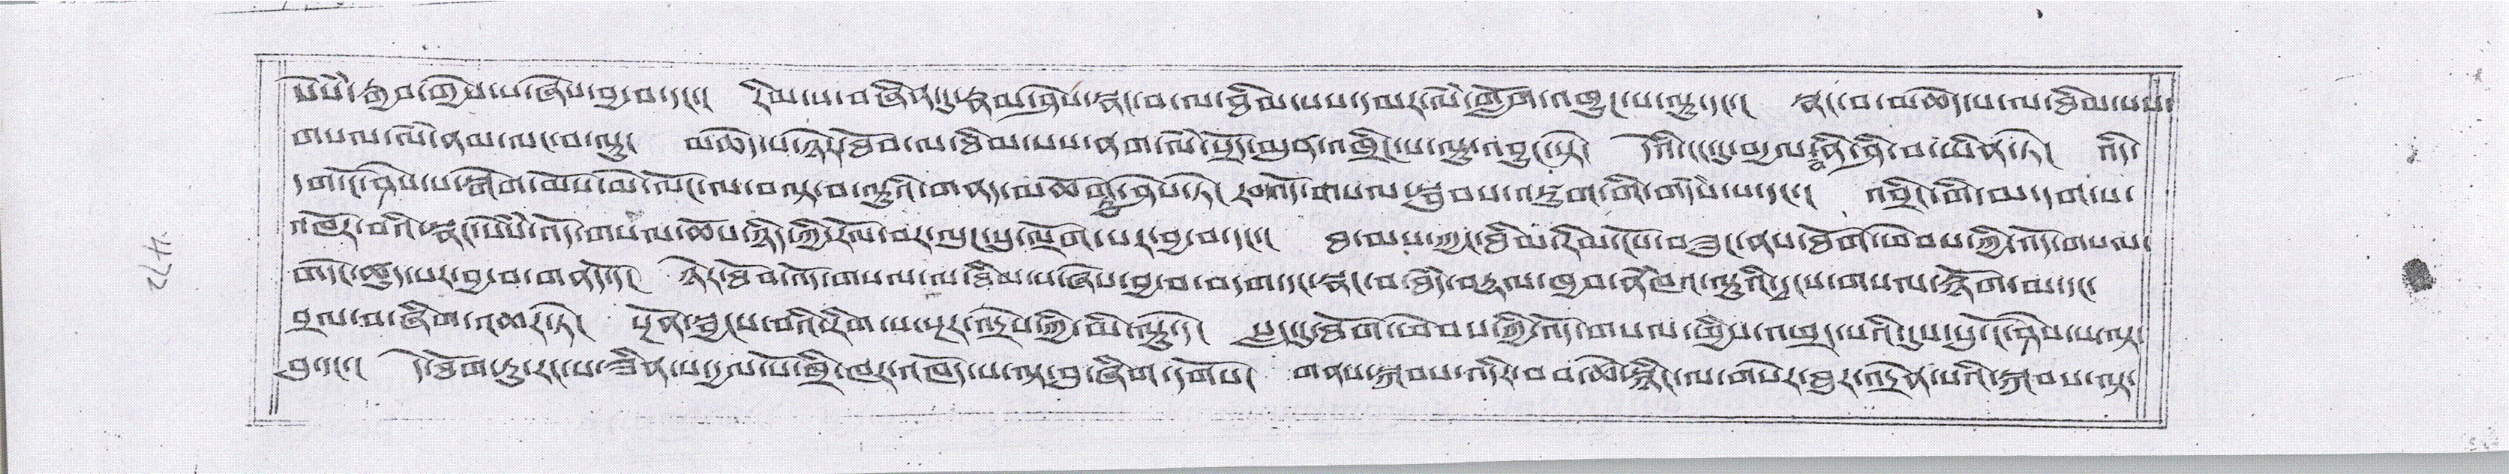སེམས་རྒྱབ་གྱེས་པ་ཞེས་བྱ་བ་དང་། རིམ་པ་བཞིན་དུ་རྣམ་ཤེས་སྣང་བ་ལ་ཐིམ་པས་དམར་ལམ་གློག་འཁྱུག་པ་ལྟ་བུ་དང་། སྣང་བ་མཆེད་པ་ལ་ཐིམ་པས་
གསལ་ལམ་ནམ་ལང་པ་ལྟ་བུ། མཆེད་པ་ཉེར་ཐོབ་ལ་ཐིམ་པས་ནག་ལམ་སྲོད་མུན་འཁྲིགས་པ་ལྟ་བུ་འབྱུང་སྟེ། དེའི་ངང་དུ་བརྒྱལ་བ་ནི་ཤི་བ་ཡིན་ཏེ། འདི་
དག་ངོ་ཤེས་པ་སྒེག་མོས་མེ་ལོང་ལ་བལྟ་བ་ལྟ་བུས་གནད་མཆོག་ཏུ་ཤེས་ཏེ། རབ་འོད་གསལ་སྦུབས་འཇུག་གི་གདམས་པ་དང་། འབྲིང་གི་མ་དག་པ་
འཁོར་བའི་སྣང་སེམས་འོད་གསལ་ཆོས་ཉིད་ཀྱི་རོལ་པར་ལུགས་སུ་ལྡོག་པར་བྱ་བ་དང་། ཐ་མས་ཀྱང་ཐིམ་རིམ་ངོས་བཟུང་ནས་ཐོག་ཕེབས་ཀྱི་འོད་གསལ་
གདེང་ཚུད་པར་བྱ་བ་གནད་དོ། ཉེར་ཐོབ་འོད་གསལ་ལ་ཐིམ་པ་བྱ་བ་བདག་དང་སྣང་བ་ཐམས་ཅད་བརྡལ་ཁྱབ་ནམ་མཁའ་ལྟ་བུའི་དྭངས་གསལ་རྙོིག་མ་དང་
བྲལ་བ་ཞིག་འཆར་ཏེ། སྔོན་སྦྱངས་པའི་རིག་པ་སྔར་འདྲིས་ཀྱི་མི་ལྟ་བུ་དེ། སླད་དུ་ཐོག་ཕེབས་ཀྱི་འོིད་གསལ་གྱིས་འཕྲད་པའི་དུས་སུ་ངོ་ཤེས་པ་ལྟ་
བུ་དང་། དེ་ཐོག་ཏུ་རང་ས་ཟིན་པ་རྒྱལ་པོ་ཁྲི་ཁར་འཁོད་པ་ལྟ་བུ་ཞིག་དགོས། གནས་སྐབས་འདིར་བབ་ཚེ་སྙིང་ལ་གསེར་ཐུར་འདྲེན་པའི་སྐབས་ལྟ་